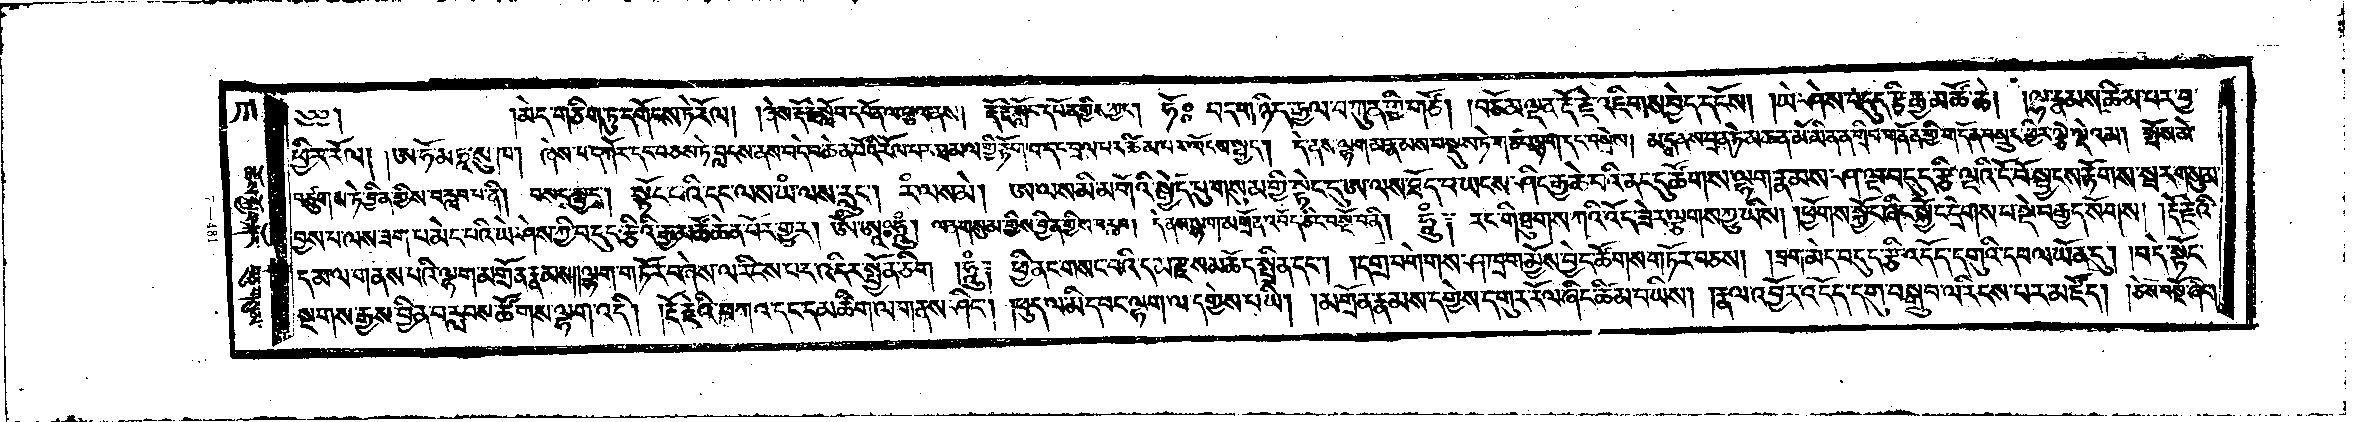༄༅། །མེད་གཅིག་ཏུ་དགོངས་ཏེ་རོལ། །ཞེས་རྡོ་རྗེ་སློབ་དཔོན་ལ་ཕུལ་ནས། རྡོ་རྗེ་སློབ་དཔོན་གྱིས་ཀྱང་། ཧོཿབདག་ཉིད་རྒྱལ་བ་ཀུན་གྱི་གཙོ། །བཅོམ་ལྡན་རྡོ་རྗེ་འཇིགས་བྱེད་དངོས། །ཡེ་ཤེས་བདུད་རྩི་རྒྱ་མཚོ་ཆེ། །ལྷ་རྣམས་ཚིམ་པར་བྱ་
ཕྱིར་རོལ། །ཨ་ཧོ་མཧཱ་སུ་ཁ། ཞེས་པ་དཀོར་དང་བཅས་ཏེ་བླངས་ནས་བདེ་བ་ཆེན་པོའི་རོལ་པར་ཐ་མལ་གྱི་རྟོག་པ་དང་བྲལ་བར་ཚིམ་པར་ལོངས་སྤྱད། དེ་ནས་ལྷག་མ་རྣམས་བསྡུས་ཏེ་གཙང་ལྷག་དང་བསྲེས། མདའ་ནས་བྲན་ཏེ་མཚན་མོ་ཡིན་ན་གྲིབ་གནོན་གྱི་གདོན་བསྲུང་ཕྱིར་ལྕེ་ལྡེའམ། སྤོས་མེ་
བཙུགས་ཏེ་བྱིན་གྱིས་བརླབ་པ་ནི། བསངས་སྦྱངས། སྟོང་པའི་ངང་ལས་ཡཾ་ལས་རླུང་། རཾ་ལས་མེ། ཨ་ལས་མི་མགོའི་སྒྱེད་པུ་གསུམ་གྱི་སྟེང་དུ་ཨ་ལས་ཐོད་པ་ཡངས་ཤིང་རྒྱ་ཆེ་བའི་ནང་དུ་ཚོགས་ལྷག་རྣམས་ཤ་ལྔ་བདུད་རྩི་ལྔའི་ངོ་བོ་སྦྱངས་རྟོགས་སྦར་གསུམ་
བྱས་པ་ལས་ཟག་བ་མེད་པའི་ཡེ་ཤེས་ཀྱི་བདུད་རྩིའི་རྒྱ་མཚོ་ཆེན་པོར་གྱུར། ཨོཾ་ཨཱཿཧཱུཾ། ལན་གསུམ་གྱིས་བྱིན་གྱིས་བརླབ། དེ་ནས་ལྷག་མགྲོན་འབོད་ཅིང་བསྔོ་བ་ནི།  ཧཱུཾ༑ རང་གི་ཐུགས་ཀའི་འོད་ཟེར་ལྕགས་ཀྱུ་ཡིས། །ཕྱོགས་སྐྱོང་ཞིང་སྒྱོང་དྲེགས་པ་སྡེ་བརྒྱད་སོགས། །རྡོ་རྗེའི་
དམ་ལ་གནས་པའི་ལྷག་མགྲོན་རྣམས། །ལྷག་གཏོར་བཞེས་ལ་རིངས་པར་འདིར་སྦྱོན་ཅིག །ཧཱུཾ༑ ཕྱི་ནང་གསང་བའི་དམ་རྫས་མཆོད་སྤྲིན་དང་། །དགྲ་བགེགས་ཤ་ཁྲག་མྱོས་བྱེད་ཚོགས་གཏོར་བཅས། །ཟག་མེད་བདུད་རྩི་འདོད་དགུའི་དཔལ་ཡོན་དུ། །བདེ་སྟོང་
སྔགས་རྒྱས་བྱིན་བརླབས་ཚོགས་ལྷག་འདི། །རྡོ་རྗེའི་བཀའ་དང་དམ་ཚིག་ལ་གནས་ཤིང་། །ཕུད་ལ་མེ་དཔའ་ལྷག་ལ་དགྱེས་པ་ཡི། །མགྲོན་རྣམས་དགྱེས་དགུར་རོལ་ཞིང་ཚིམ་བ་ཡིས། །རྣལ་འབྱོར་འདོད་དགུ་བསྒྲུབ་ལ་རིངས་པར་མཛོད། །ཅེས་བསྔོ་ཞིང་